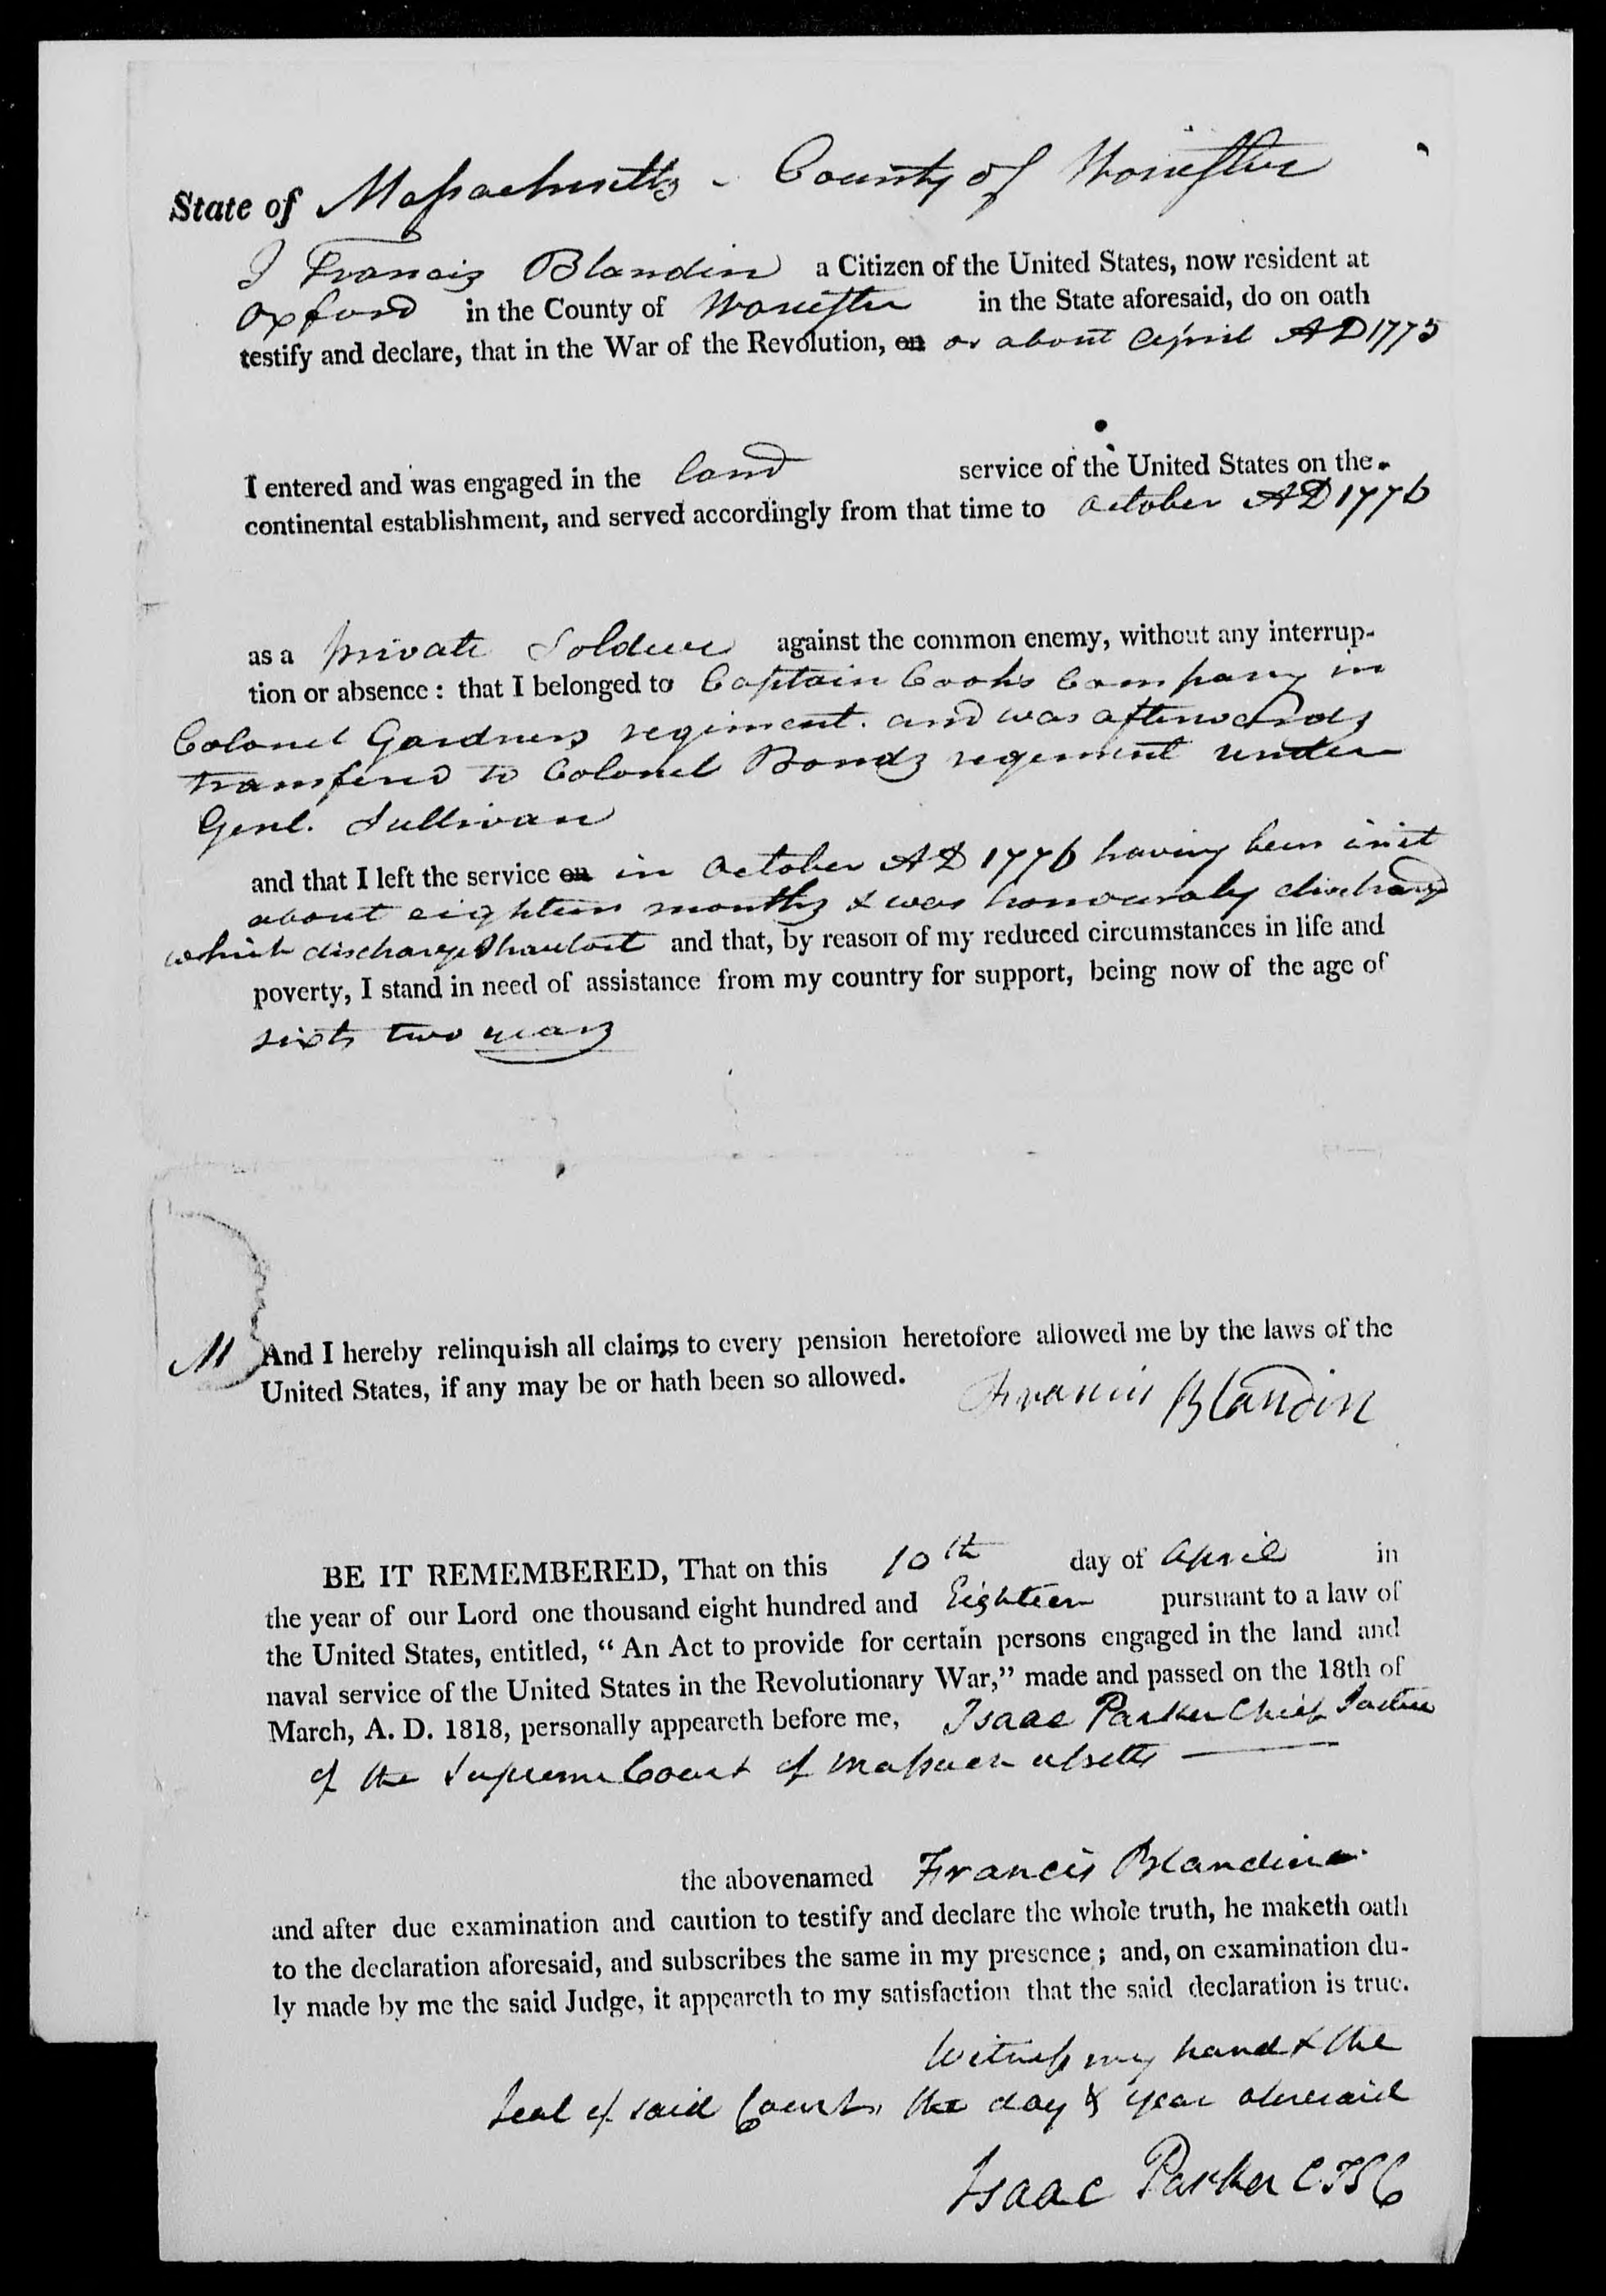State of Massachusetts County of Worcester

I Francis Blandin a Citizen of the United States, now resident at Oxford in the County of Worcester
in the State aforesaid, do on oath testify and declare, that in the War of the Revolution, on or about April AD 1775 I entered and was engaged in the land service of the United States on the
continental establishment, and served accordingly from that time to October AD 1776 as a private soldier against the common enemy, without any interruption or absence: that I belonged to Captain Cook's Company in Colonel Gardners regiment, and was afterwards transfered to Colonel Bonds regiment under Genl Sullivan and that I left the service on in October AD 1776 having been in it about eighteen months & was honourably discharged which discharge I have lost, and that, by reason of my reduced circumstances in life and poverty, I stand in need of assistance from my country for support, being now of the age of sixty two years.

And I hereby relinquish all claims to every pension heretofore allowed me by the laws of the
United States, if any may be or hath been so allowed.

Francis Blandin

BE IT REMEMBERED, That on this 10th day of April in the year of our Lord one thousand eight hundred and eighteen pursuant to a law of the United States, entitled, "An Act to provide for certain persons engaged in the land and naval service of the United States in the Revolutionary War," made and passed on the 18th of March, A. D. 1818, personally appeareth before me, Isaac Parker Chief Justice of the Supreme Court of Massachusetts the abovenamed Francis Blandin and after due examination and caution to testify and declare the whole truth, he maketh oath to the declaration aforesaid, and subscribes the same in my presence; and, on examination duly made by me the said Judge, it appeareth to my satisfaction that the said declaration is true.

Witness my hand & the Seal of said Court, the day & year aforesaid

Isaac Parker C S C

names: Isaac Parker, Isaac Parker, Francis Blandin, Francis Blandin, Francis Blandin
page: 7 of 14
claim: survivor's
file: S. 34,049, Francis Blandin, Mass.